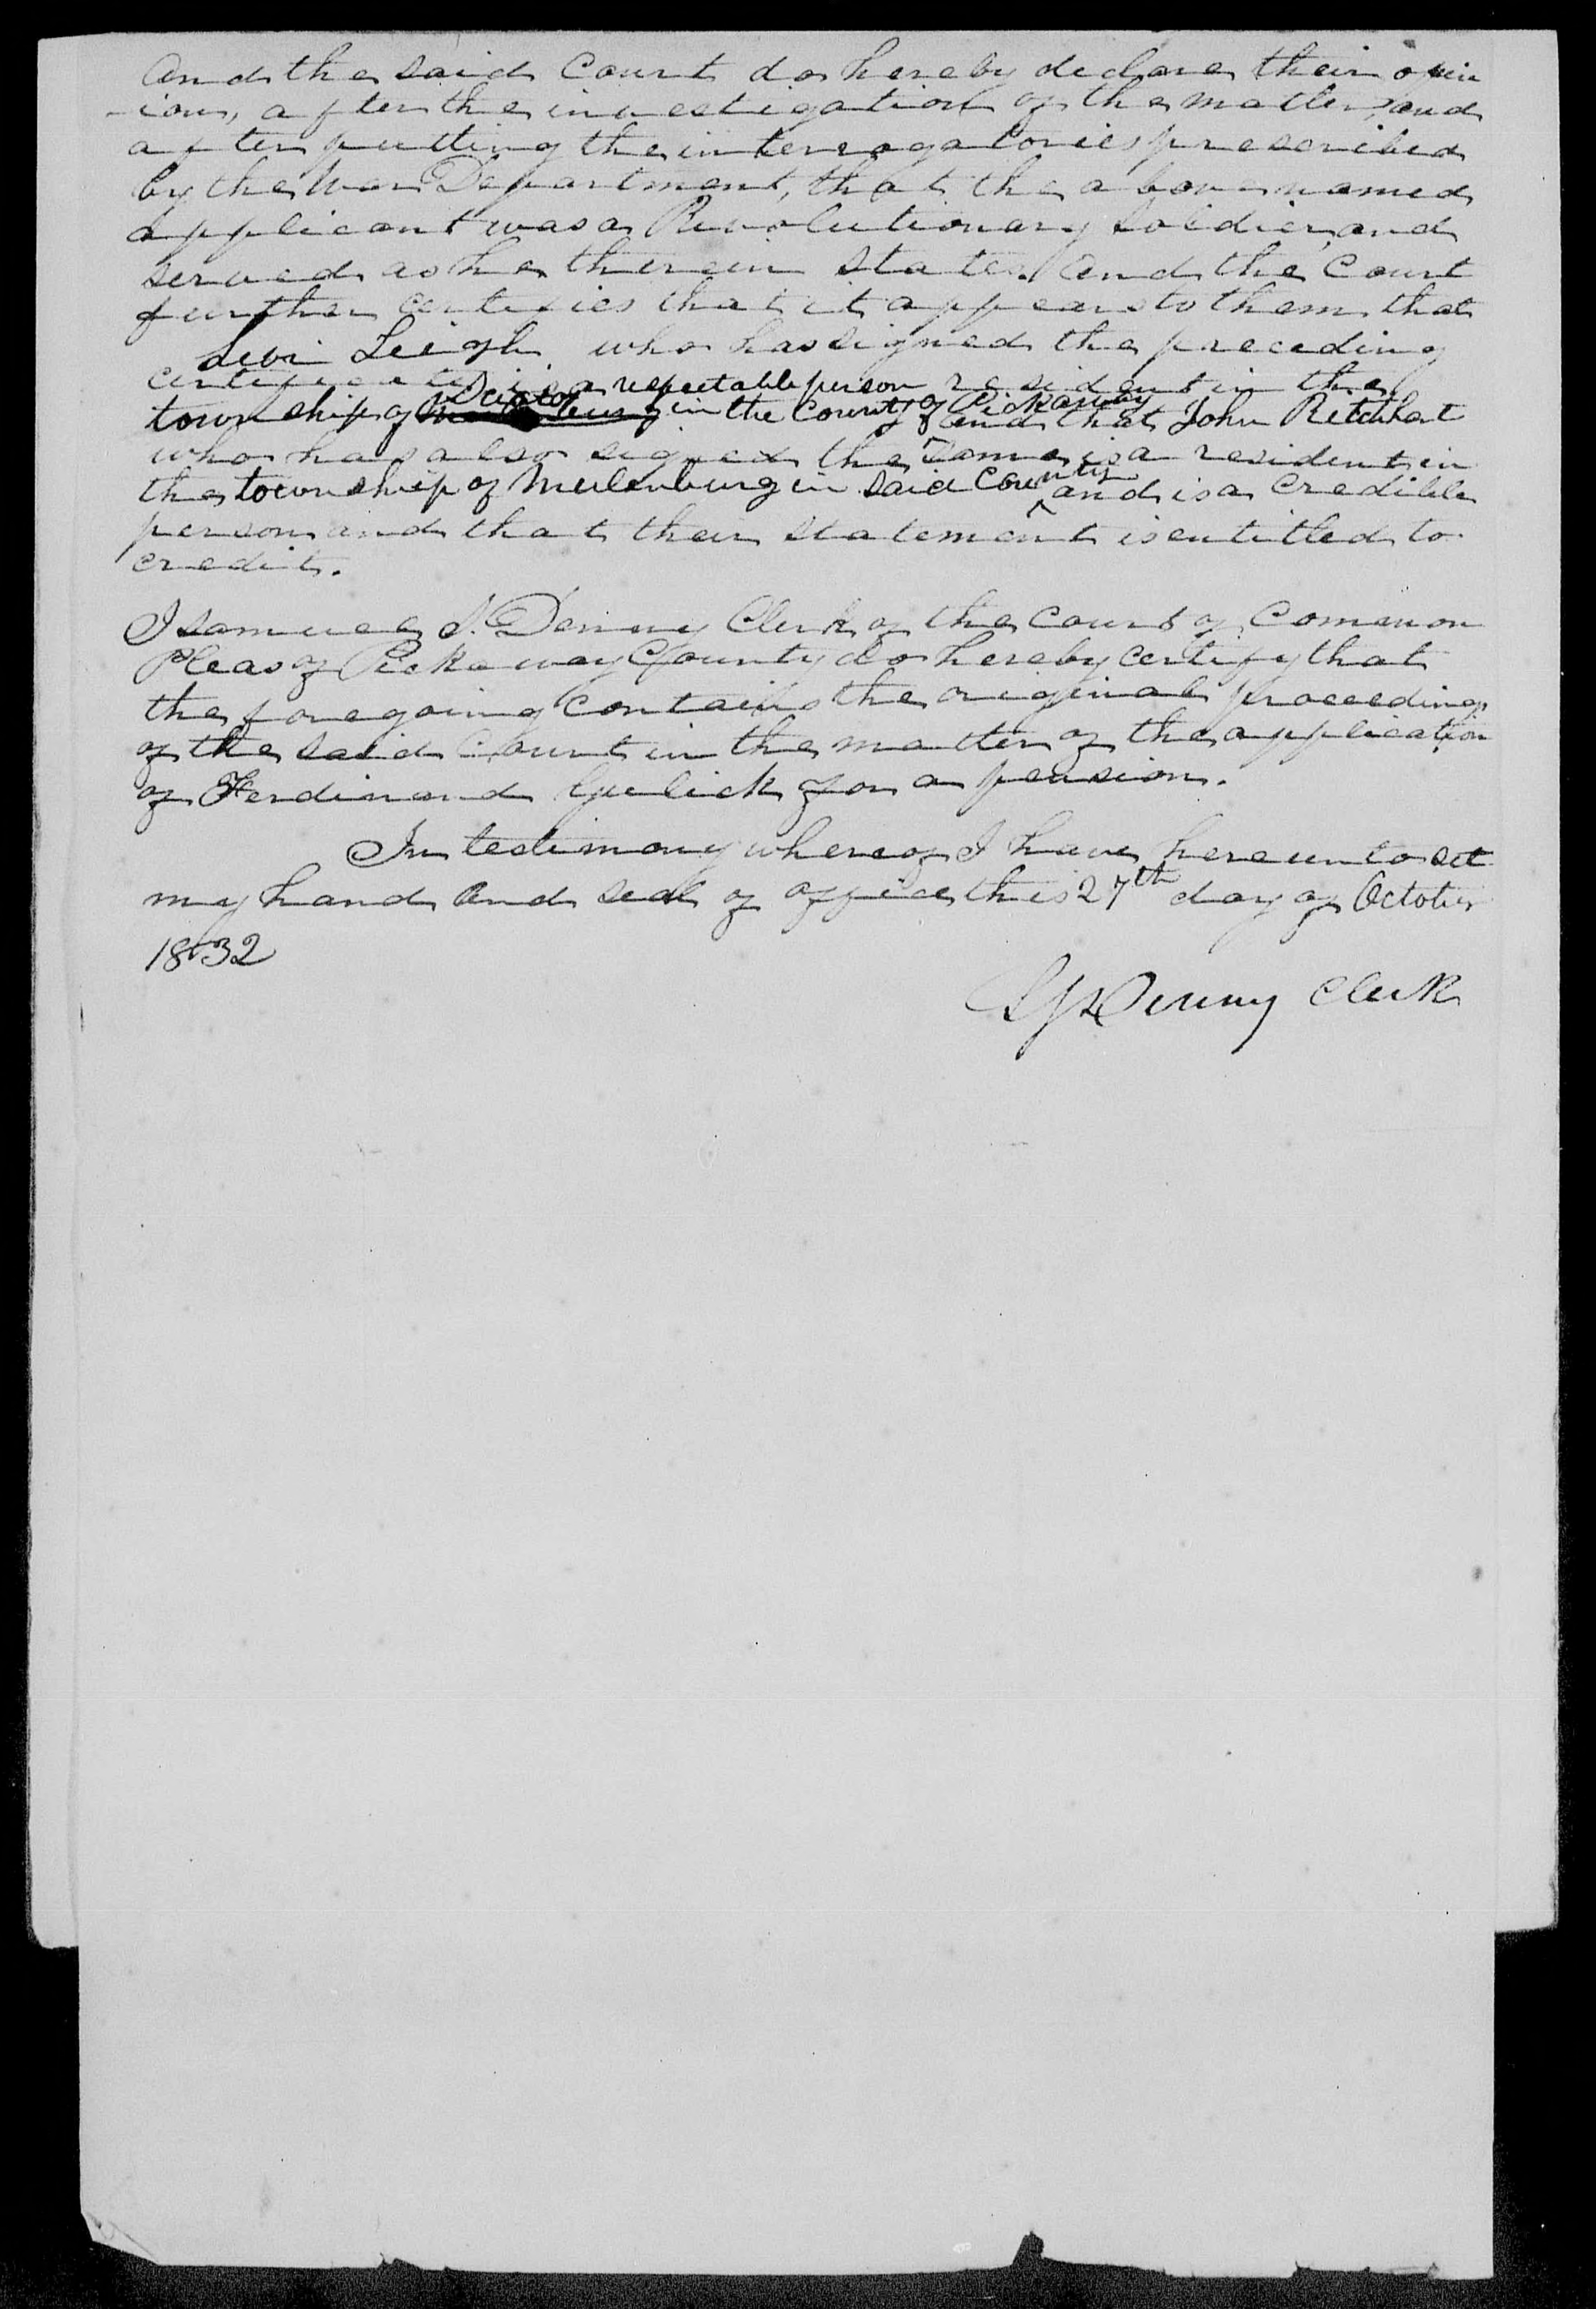and the said Court do hereby declare their opinion after the investigation of the matter and after putting the interragatories prescribed by the War Department that the aforenamed applicant was a Revolutionary soldier and served as he therein states and the Court further certifies that it appears to them that Levi Leigh, who has signed the preceding certificate is a respectable person resident in the township of Scioto in the County of Pickaway and that John Richhart who has also signed the same is a resident in the township of Muhlenberg in said County and is a creditable person and that their statement is entitled to credit.

I Samuel S Denny Clerk of the Court of Common Pleas of Pickaway County do hereby certify that the foregoing contains the original proceedings of the said Court in the matter of the application of Ferdinand Gulick for a pension.

In testimony whereof I have hereunto set my hand and seal of office this 27th day of October 1832.

(Signed)
SS Denny Clerk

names: Samuel S Denny, Levi Leigh, John Ritchhart, Ferdinand Gulick, S S Denny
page: 4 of 21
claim: survivor's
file: S. 2586, Ferdinand Gulick, New Jersey Va.